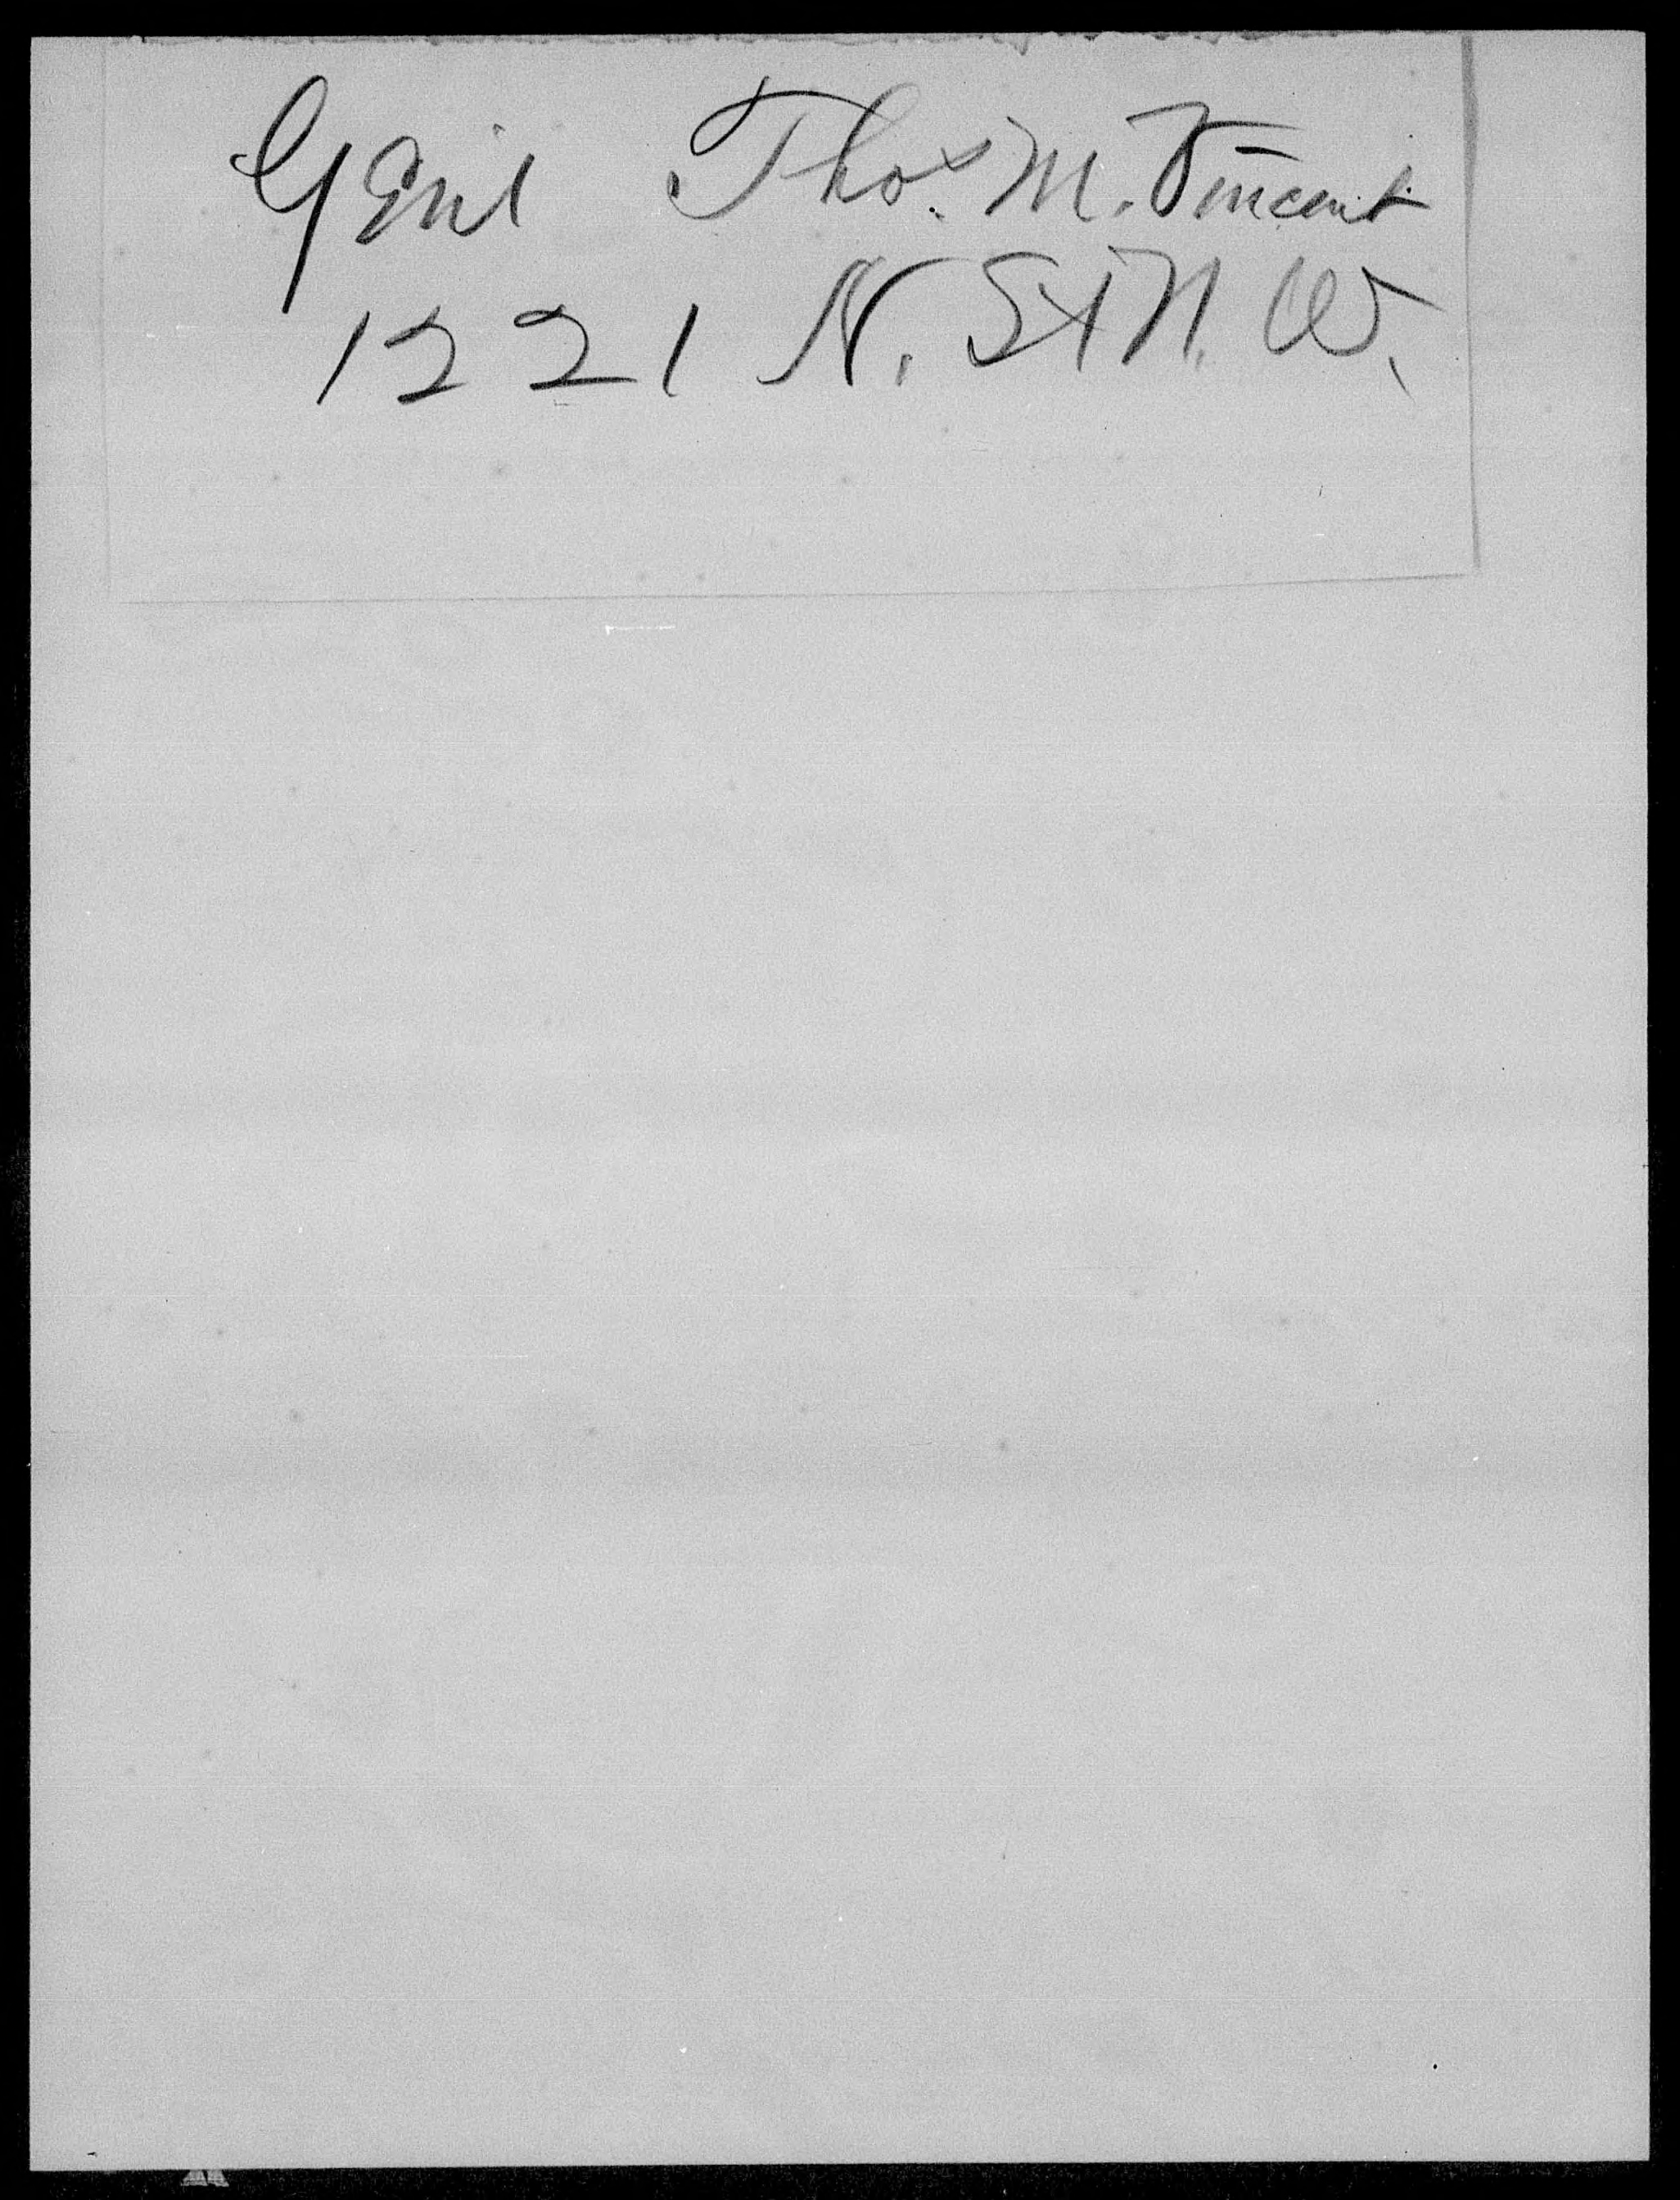Genl Thos. M. Vincent
1221 N St, N.W.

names: Thos M Vincent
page: 14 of 19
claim: survivor's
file: S. 31,855, for John Mc Curdy, Pennsylvania